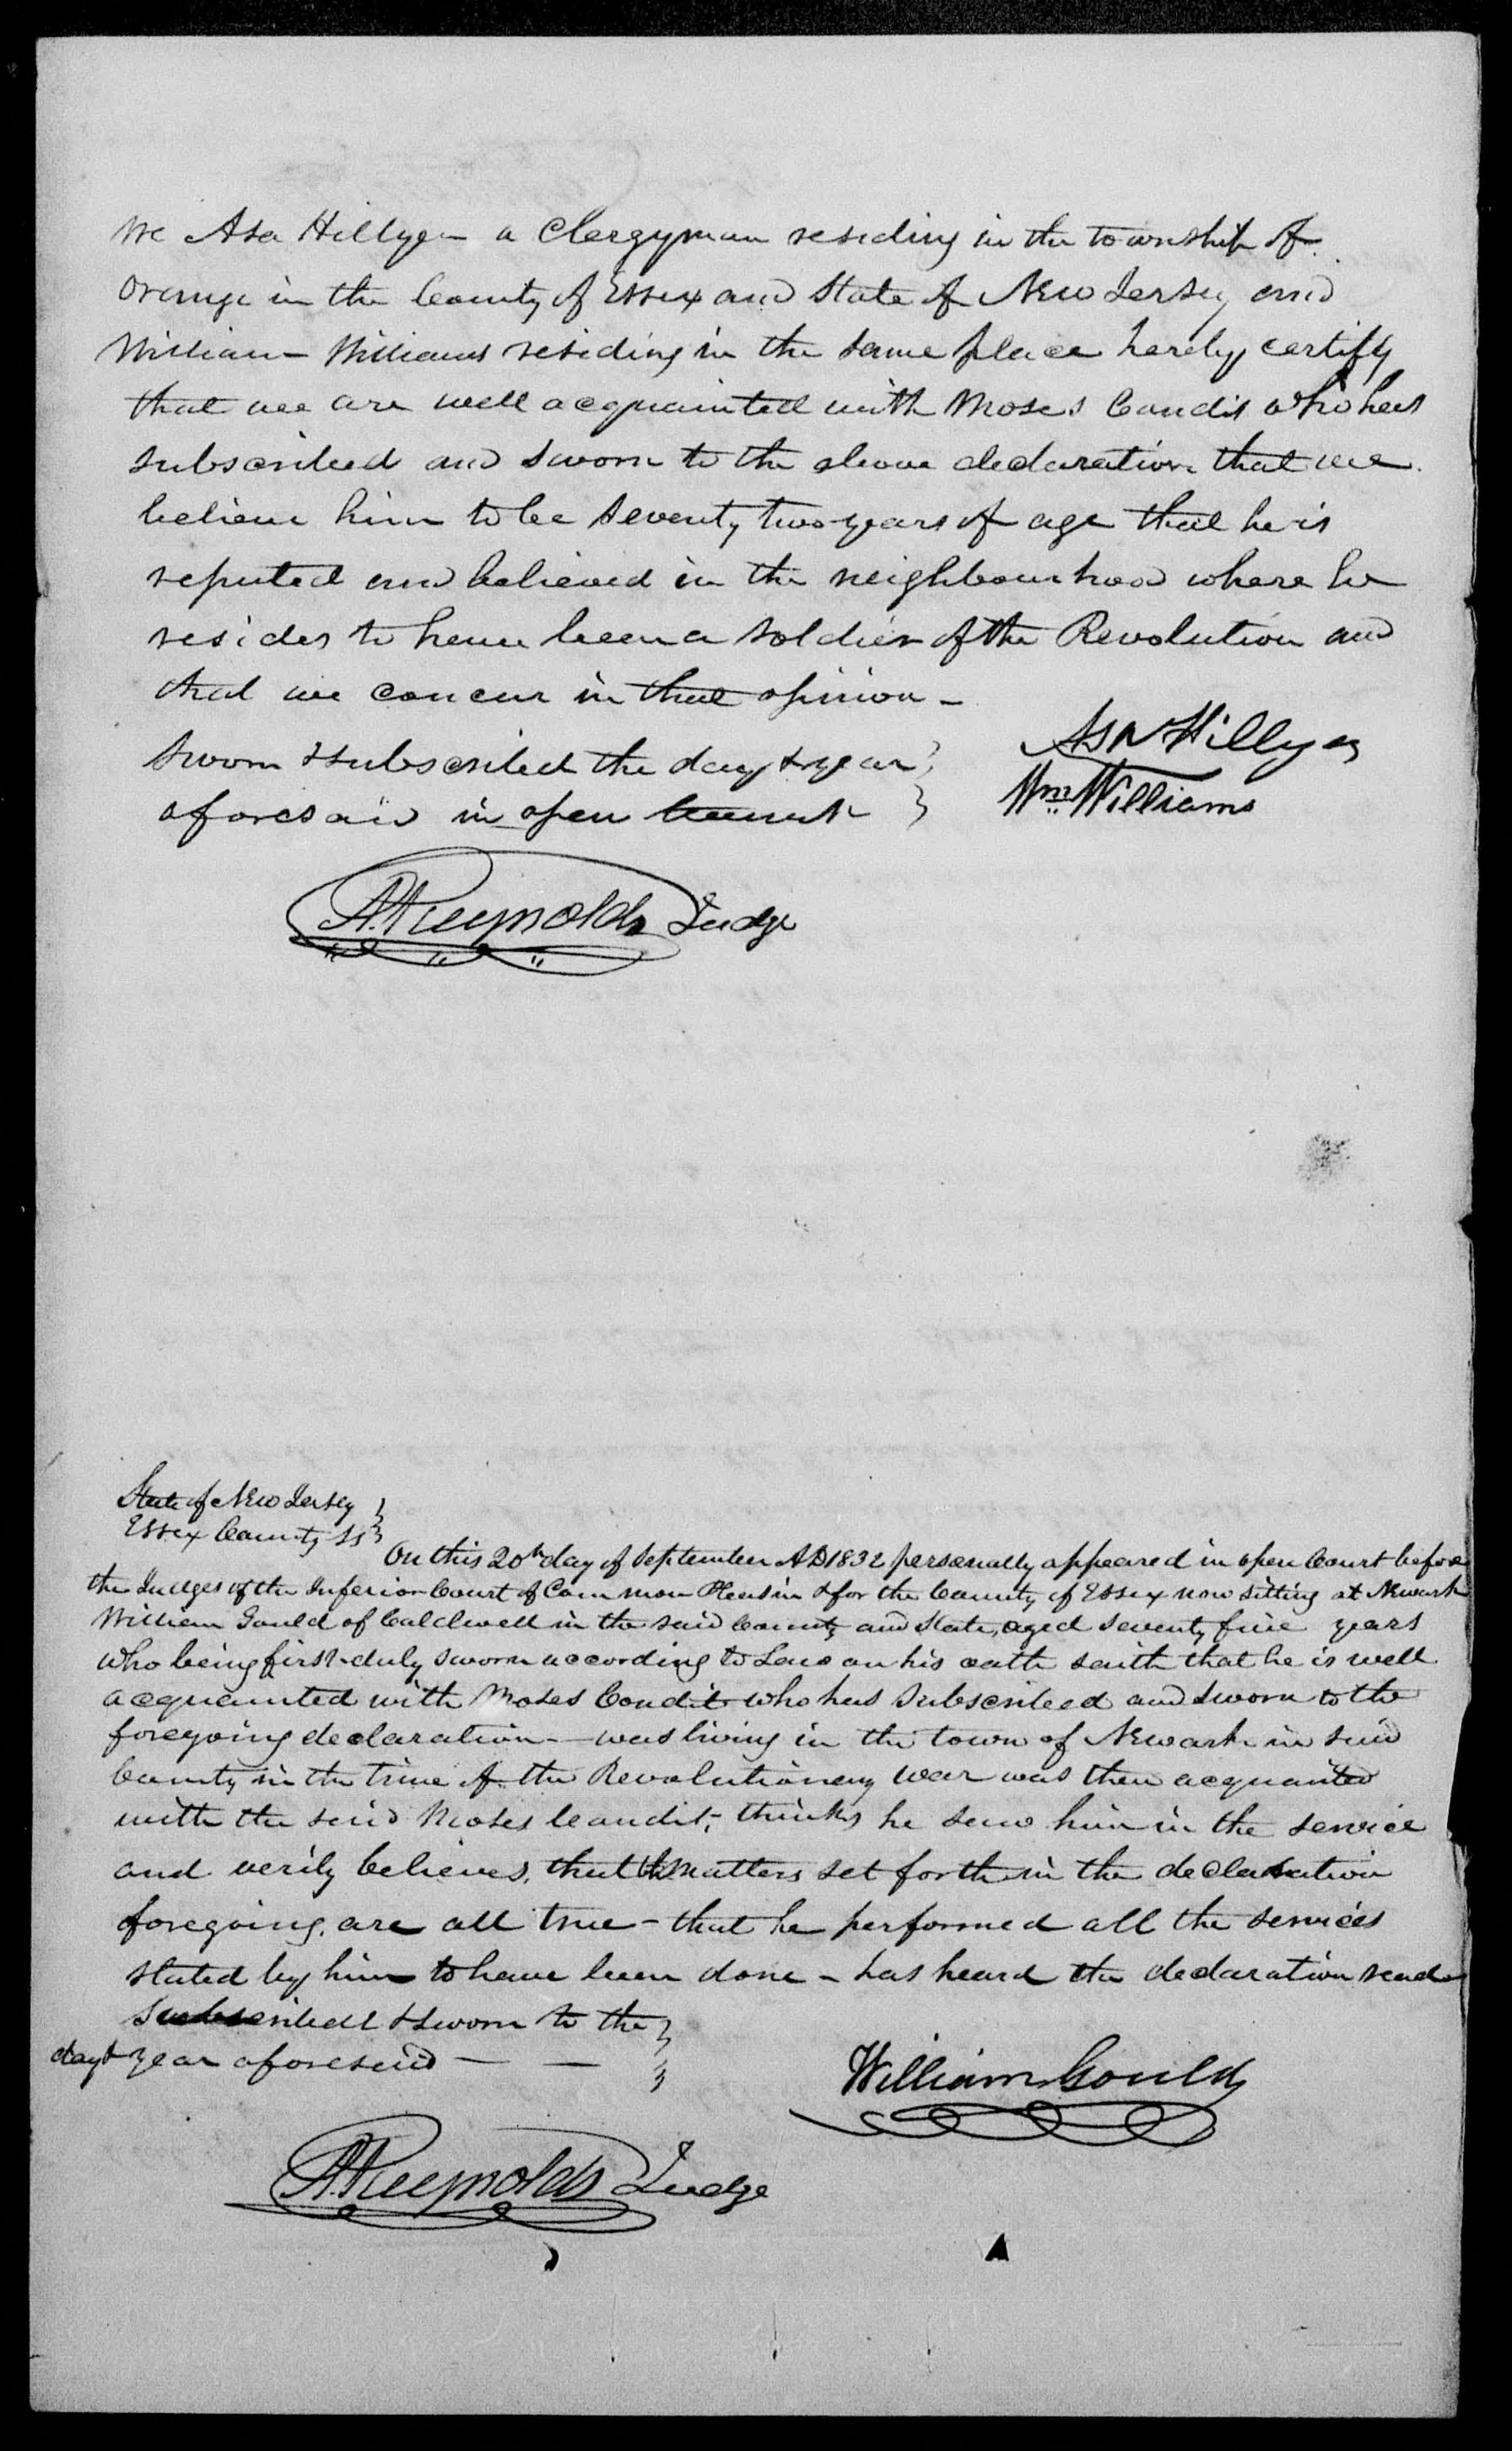We Asa Hillyer a Clergyman residing in the township of Orange in the County of Essex and State of New Jersey and William Williams residing in the same place hereby certify
that we are well acquainted with Moses Condit who has subscribed and sworn to the above declaration that we believe him to be seventy two years of age that he is reputed and believed in the neighbourhood where he
resides to have been a soldier of the Revolution and that we concur in that opinion-
Asa Hillyer
Wm Williams

Sworn & subscribed the day & year aforesaid in open court

A. Reynolds Judge
---
State of New Jersey
Essex County SS
On this 20th day of September AD 1832 personally appeared in open Court before
the Judges of the Inferior Court of Common Pleas in & for the County of Essex now sitting at Newark William Gould of Caldwell in the said County and State, aged seventy five years
who being first duly sworn according to Law on his oath saith that he is well acquainted with Moses Condit who has subscribed and sworn to the foregoing declaration - was living in the town of Newark in said County in the time of the Revolutionary war was then acquainted with the said Moses Condit, thinks he saw him in the service and verily believes, that the matters set forth in the declaration
foregoing are all true-- that he performed all the services stated by him to have been done-- has heard the declaration read 
William Gould
Subscribed & Sworn to the Day & year aforesaid-
A Reynolds Judge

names: William Gould, Asa Hillyer, Moses Condit, Moses Condit, A Reynolds, William Gould, Asa Hillyer, William Williams, Moses Condit, A Reynolds, Wm Williams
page: 6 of 23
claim: survivor's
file: S. 3212, Moses Condit, New Jersey